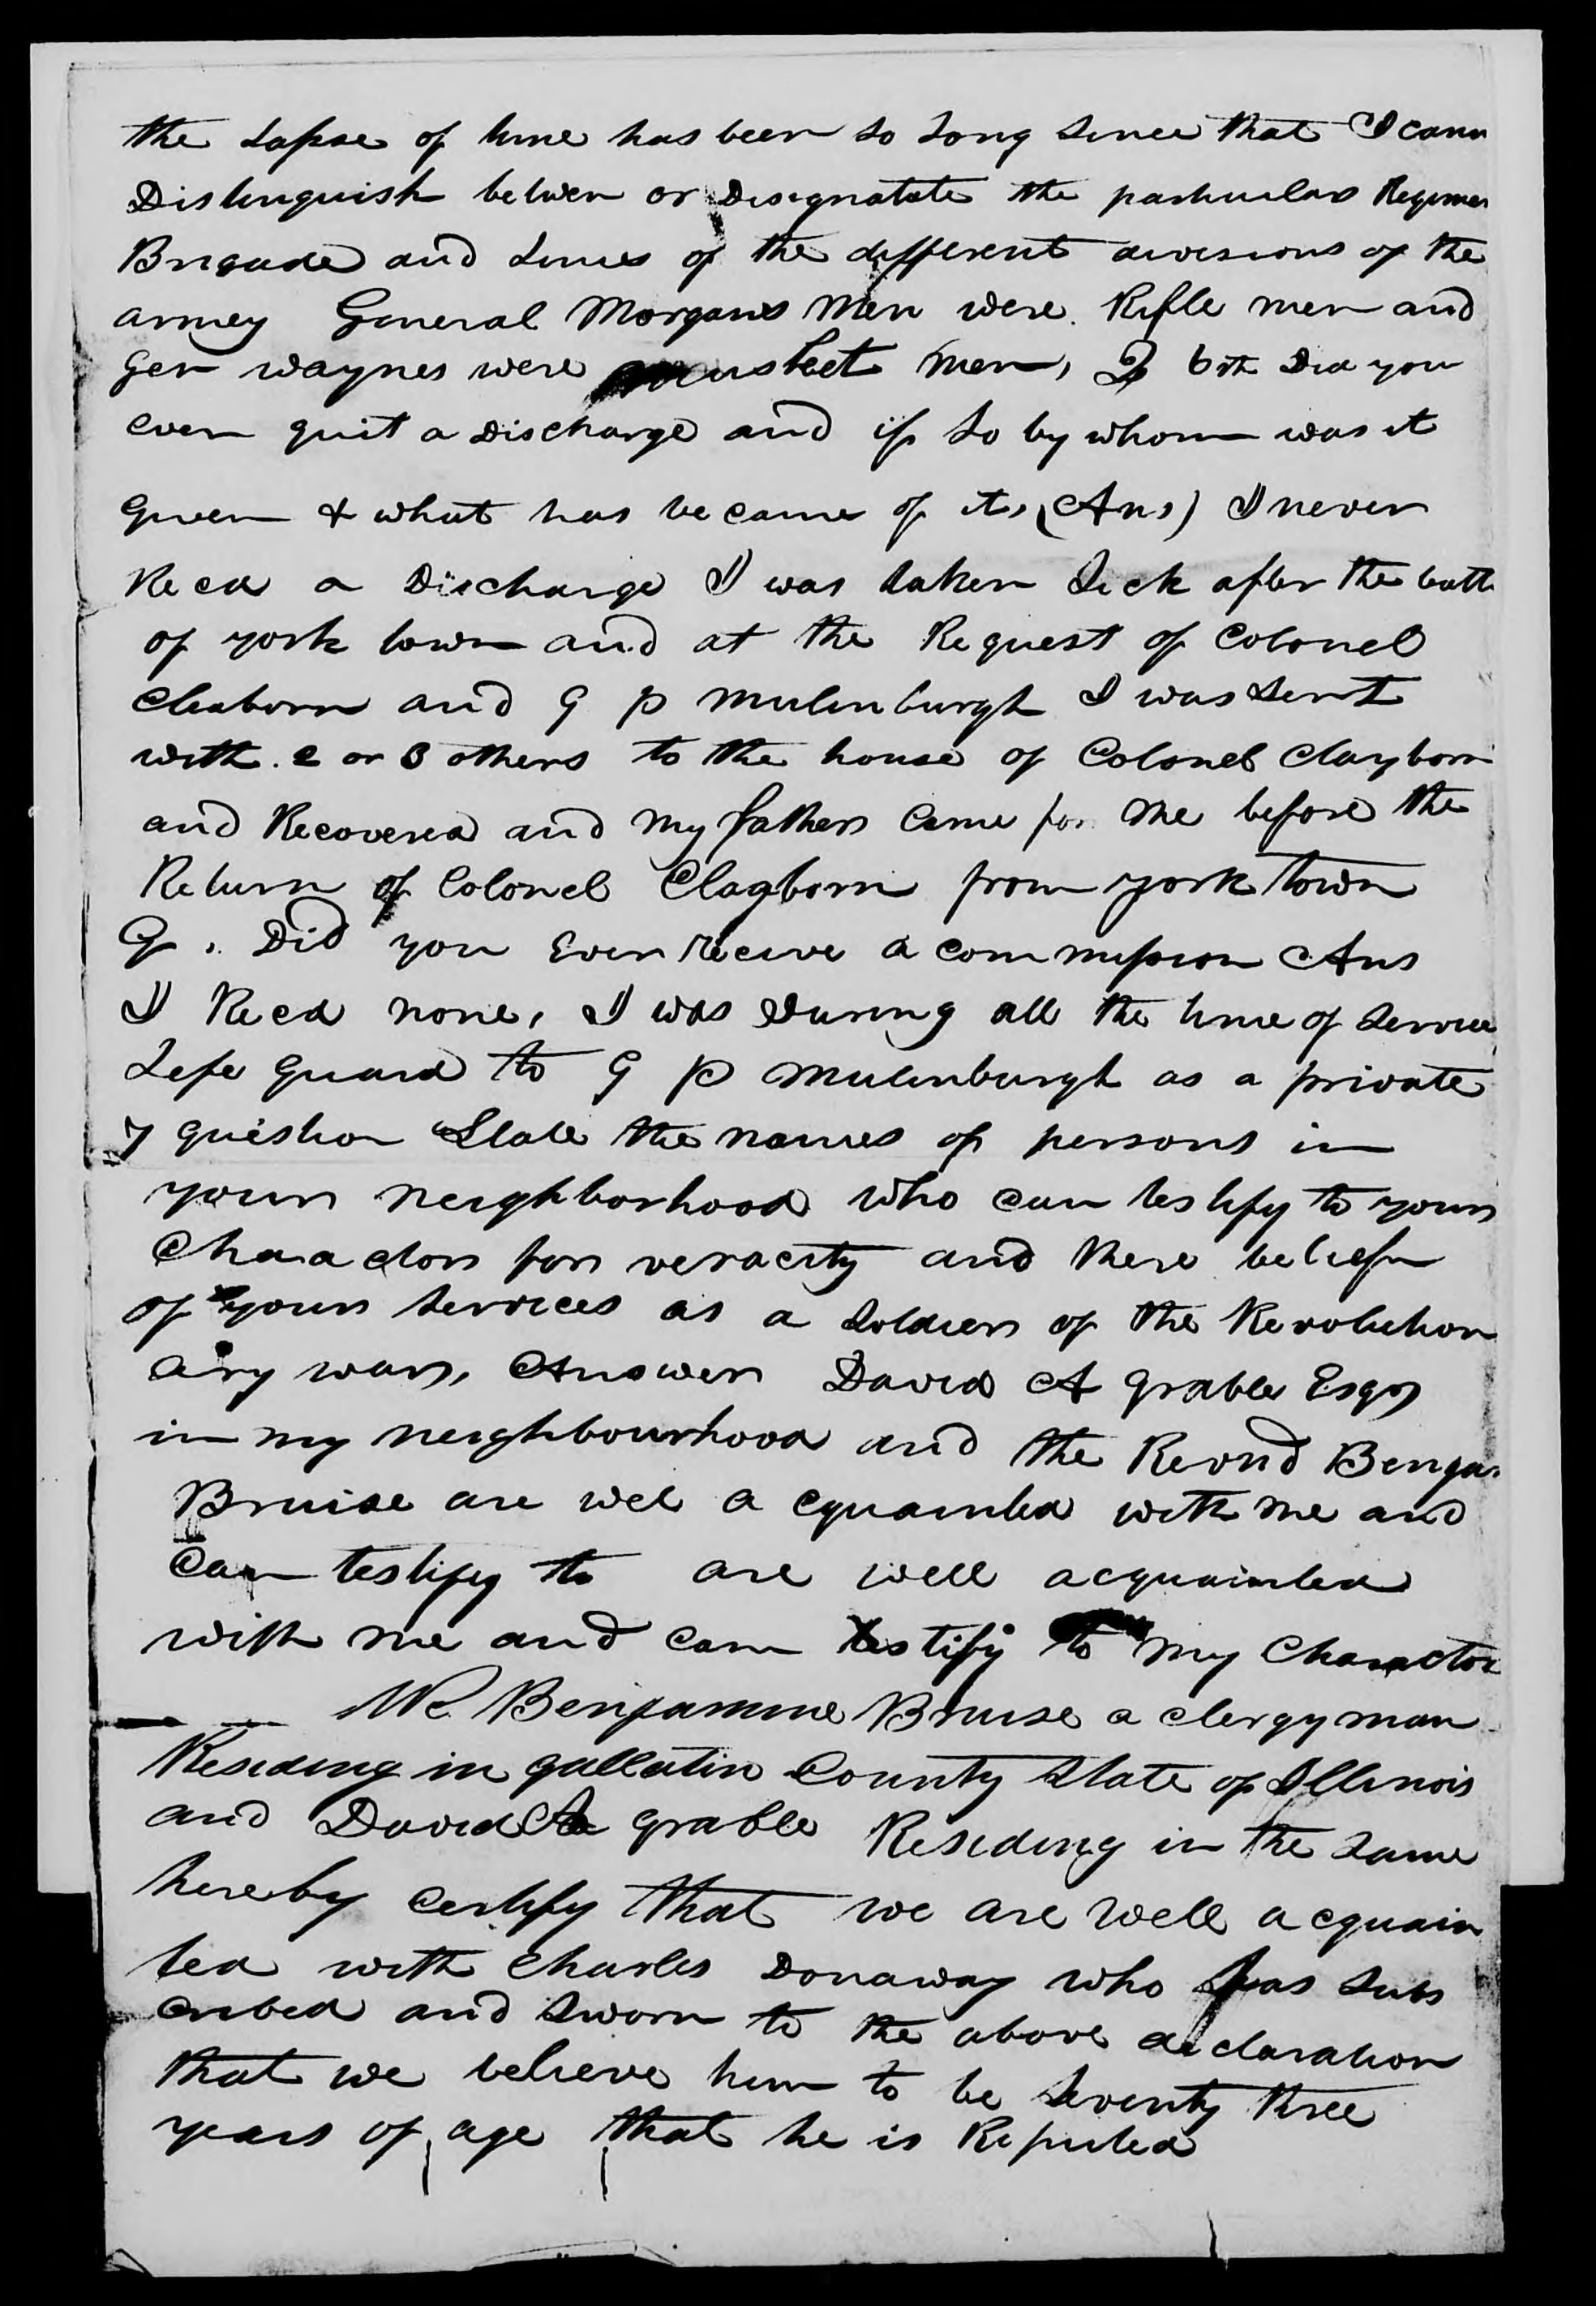the Lapse of time has been so long since that I cannot Distinguish between or Designate the particular Regiments Brigade and Lines of the different divisions of the army General Morgan's Men were Rifle men and Gen Waynes were musket men, Q 6th Did you ever quit a discharge and if so by whom was it signed & what has become of it, (Ans) I never Recd a Discharge I was taken Sick after the battle of york town and at the Request of Colonel Claiborn and G P Mulenburgh I was sent with 2 or 3 others to the house of Colonel Clayborn and Recovered and my father came for me before the Return of Colonel Clayborn from Yorktown 
Q. Did you ever receive a commission Ans I recd none, I was during all the time of service Life guard to G P Mulenburgh as a private
7 question State the names of persons in your neighborhood who can testify to your Character for veracity and their belief of your services as a soldier of the Revolutionary war, Answer David A Grable Esqr in my neighbourhood and the Revd Benjamin Bruise are wel acquainted with me and can testify to are well acquainted with me and can testify to my Character
Mr Benjamin Bruise a clergyman Residing in Gallatin County State of Illinois and David A Grable Residing in the same hereby certify that we are well acquainted with Charles Donaway who has subscribed and sworn to the above declaration that we believe him to be Seventy three years of age that he is Reputed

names: Clayborn, Benja Bruice, Claborn, David A Grable, Charles Donaway, Wayne, Clayborn, Benjamin Bruise, P Mulenburgh, Morgans, David A Grable, P Mulenburgh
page: 5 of 29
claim: rejected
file: R. 3010, Charles Donaway, Va.